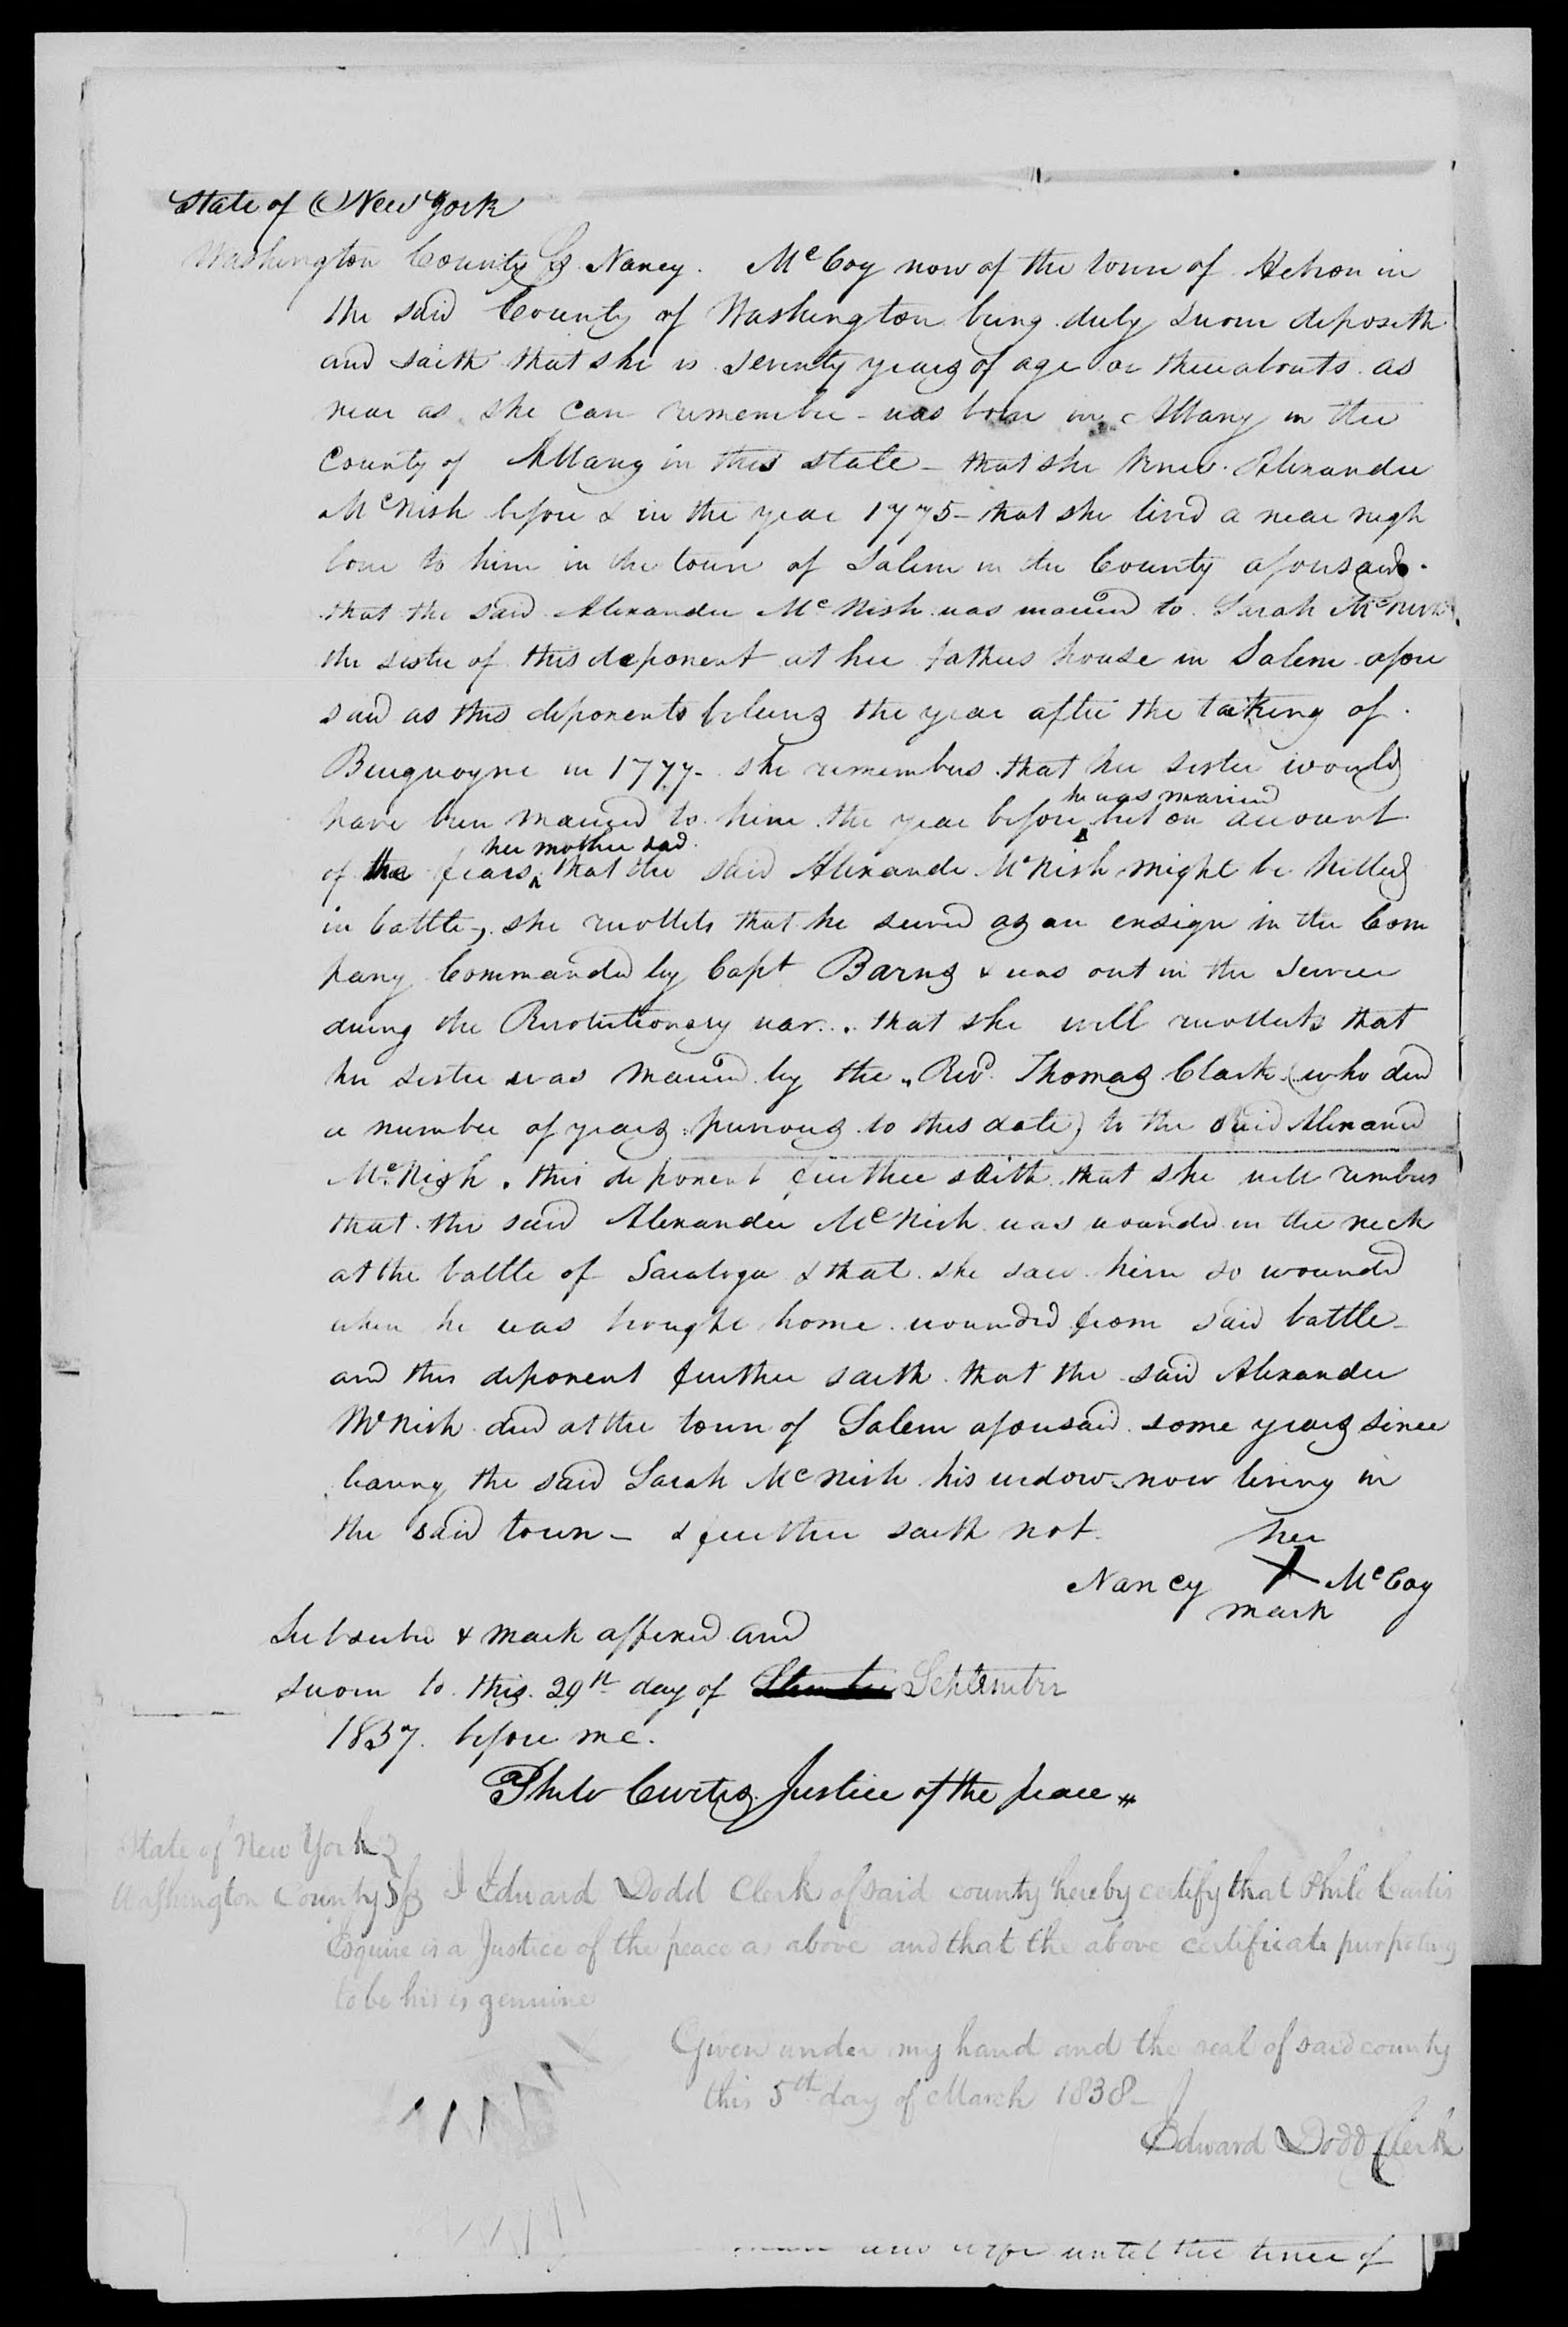State of New York
Washington County ss. Nancy McCoy now of the town of Hehon in the said County of Washington being duly sworn deposeth and saith that she is seventy years of age or thereabouts as near as she can remember. Was born in Albany in the County of Albany in this state. That she knew Alexander McNish before and in the year 1775. That she lived a near neighbor to him in the town of Salem in the County aforesaid. That the said Alexander McNish was married to Sarah McNish the sister of this deponent at her fathers house in Salem aforesaid as this deponent believes the year after the taking of Burgoyne in 1777. She remembers that her sister would have been married to him the year before but he was married but on account of fears that her mother had that the said Alexander McNish might be killed in battle. She recollects that he served again ensign in the company commanded by Capt. Barnes and was out in the service during the Revolutionary War. That she well recollects that her sister was married by the Rev. Thomas Clark (who died a number of years previous to this date) to the said Alexander McNish, this deponent further saith that she well remembers that the said Alexander McNish was wounded in the neck at the battle of Saratoga and that she saw him so wounded when he was brought home wounded from said battle and this deponent further saith that the said Alexander McNish died at the town of Salem aforesaid some years since having the said Sarah McNish his widow now living in the said town and further saith not. 

her
Nancy x McCoy
mark 

Subscribed and mark affixed and 
sworn to this 29th day of September
1837 before me
Phila Curtis Justice of the Peace

State of New York
Washington County ss  I Edward Dodd Clerk of said county hereby certify that Phila Curtis Esquire is a Justice of the peace as above and that the above certificate purporting to be his is genuine. 
Given under my hand and the seal of said county this 5th day of March 1838
Edward Dodd Clerk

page: 11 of 42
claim: widow's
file: W. 23,937 S. 28094, for Alexander Mc Nish, New York